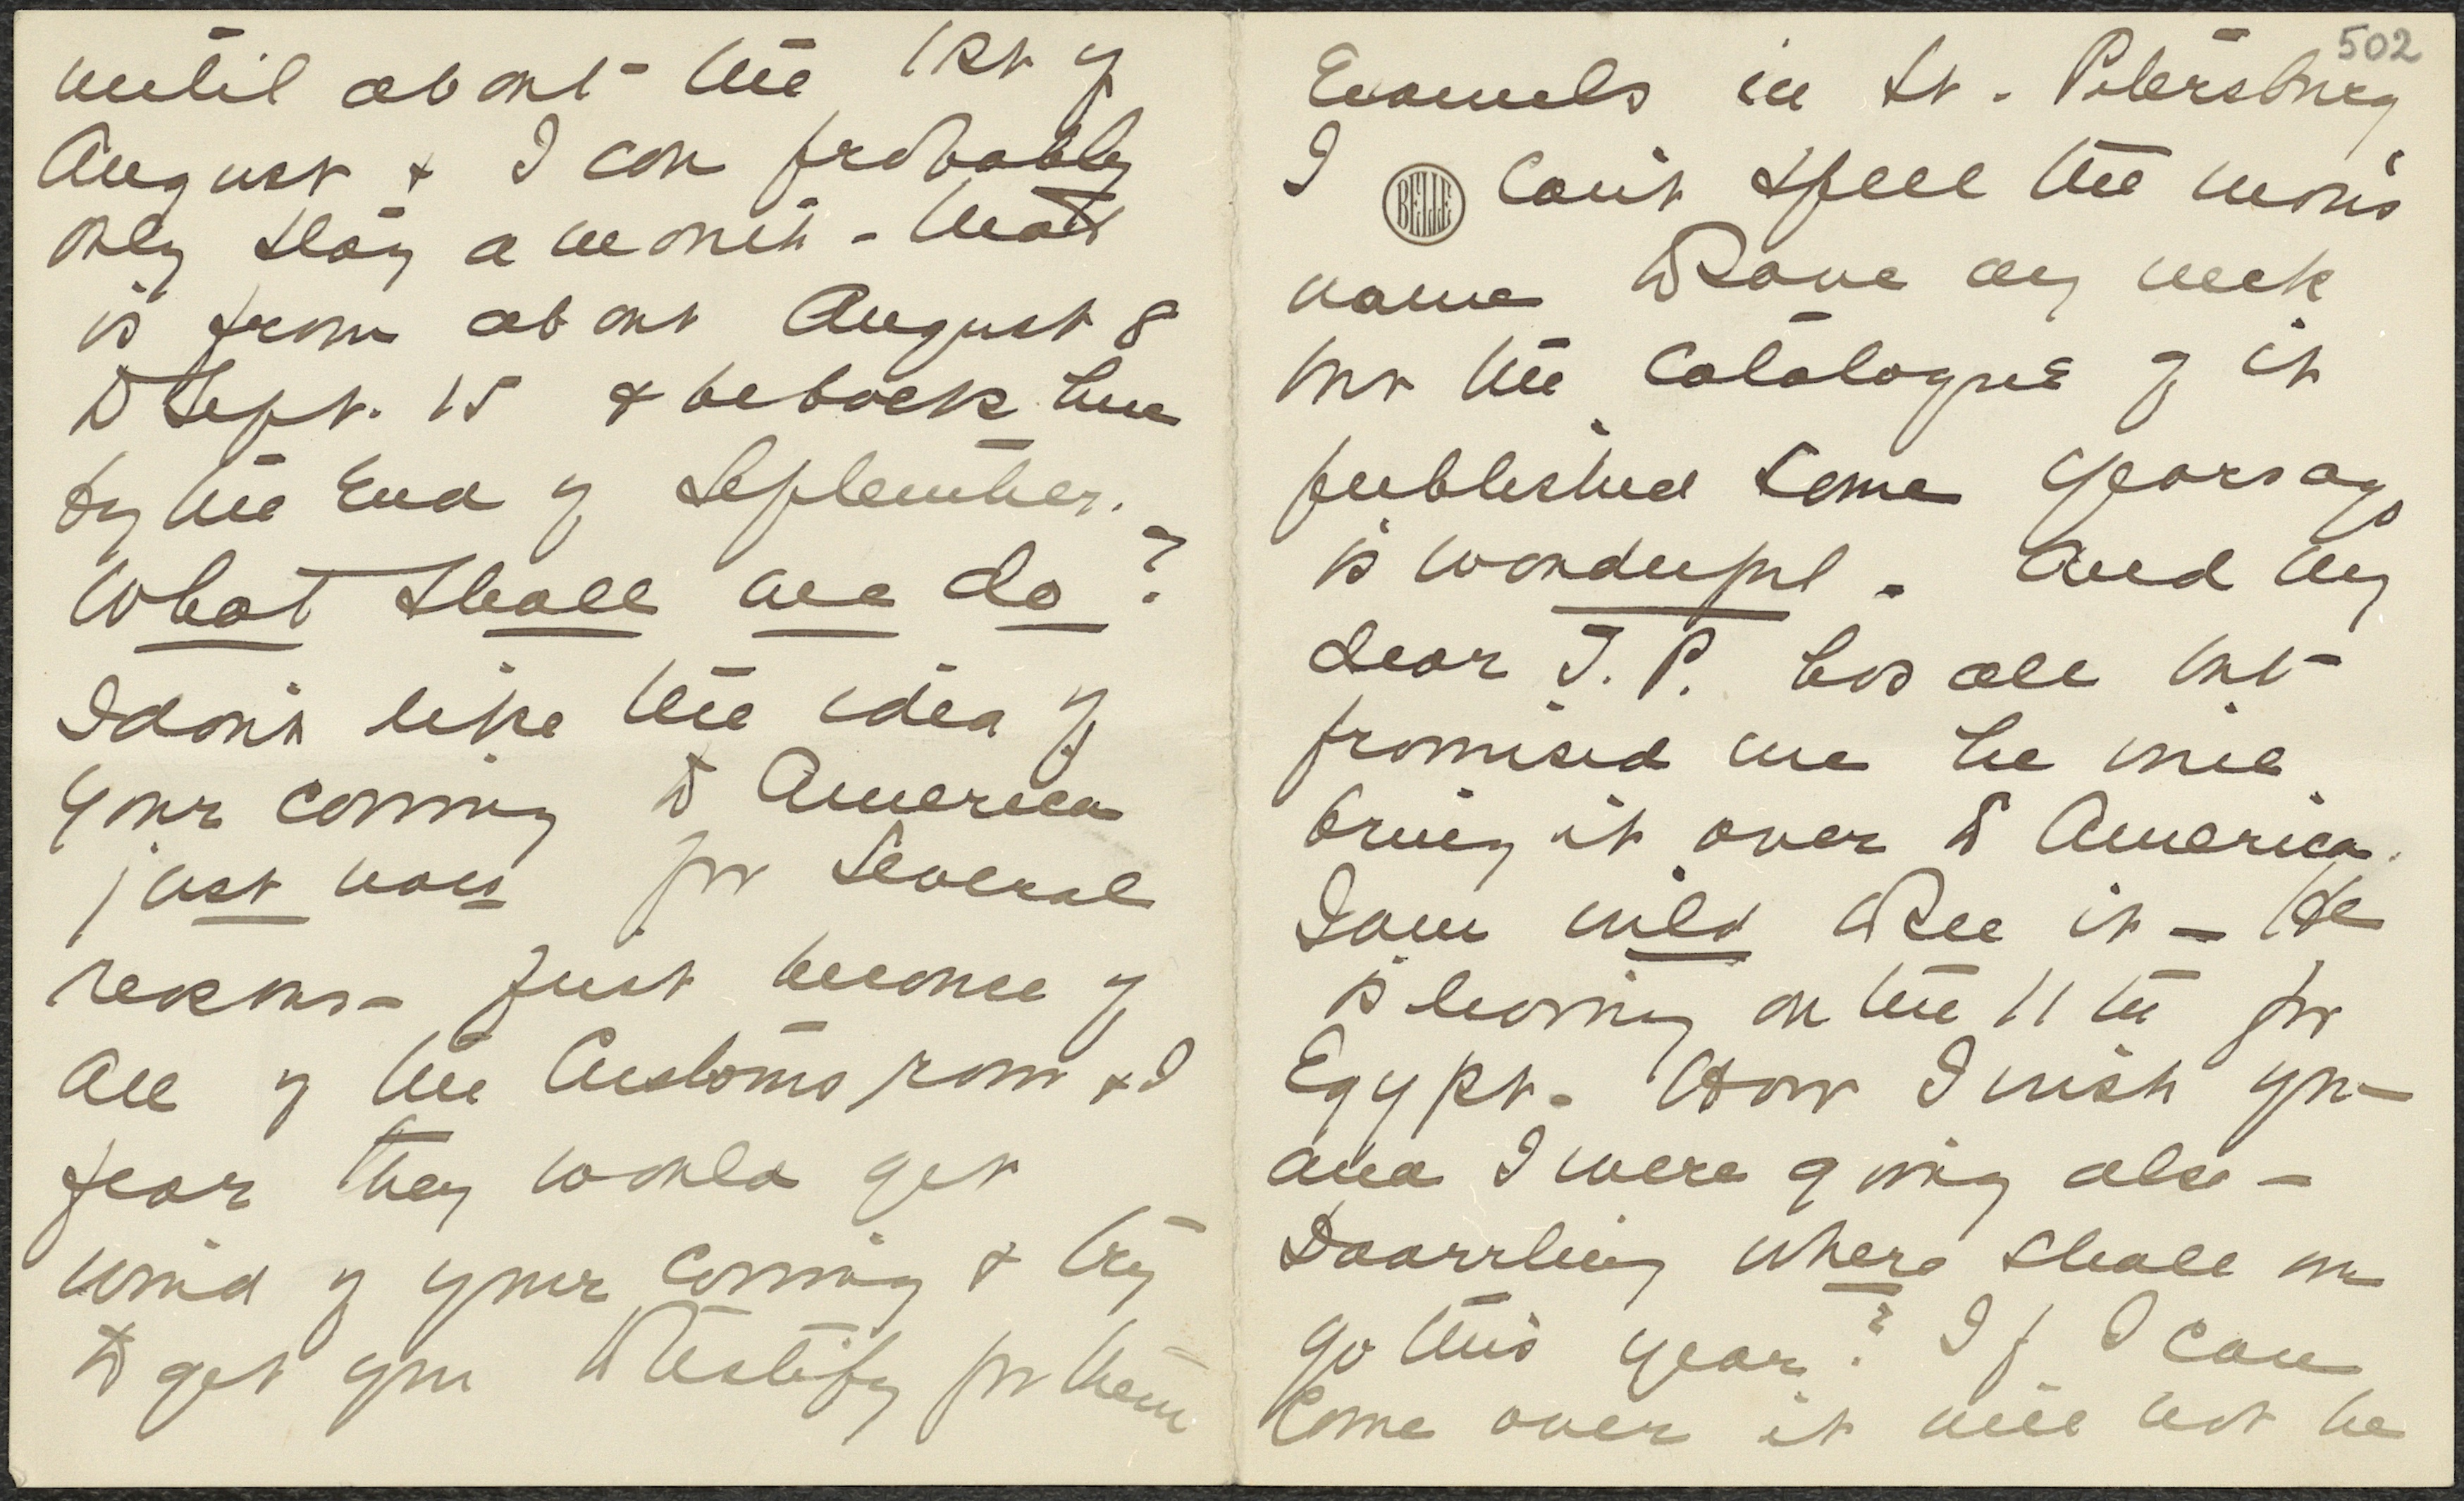Enamels in St. Petersburg I can’t spell the man’s name to save my neck but the Catalogue of it published some years ago is wonderful – and my dear J. P. has all but promised me he will bring it over to America. I am wild to see it – He is leaving on the 11th for Egypt – How I wish you and I were going also –
Daarrling where shall we go this year? If I can come over it will not be
until about the 1st of August & I can probably only stay a month – that is from about August 8 to Sept. 15 & be back here by the end of September.
What shall we do?
I don’t like the idea of your coming to America just now for several reasons – just because of all of the Customs rows & I fear they would get wind of your coming & try to get you to testify for them